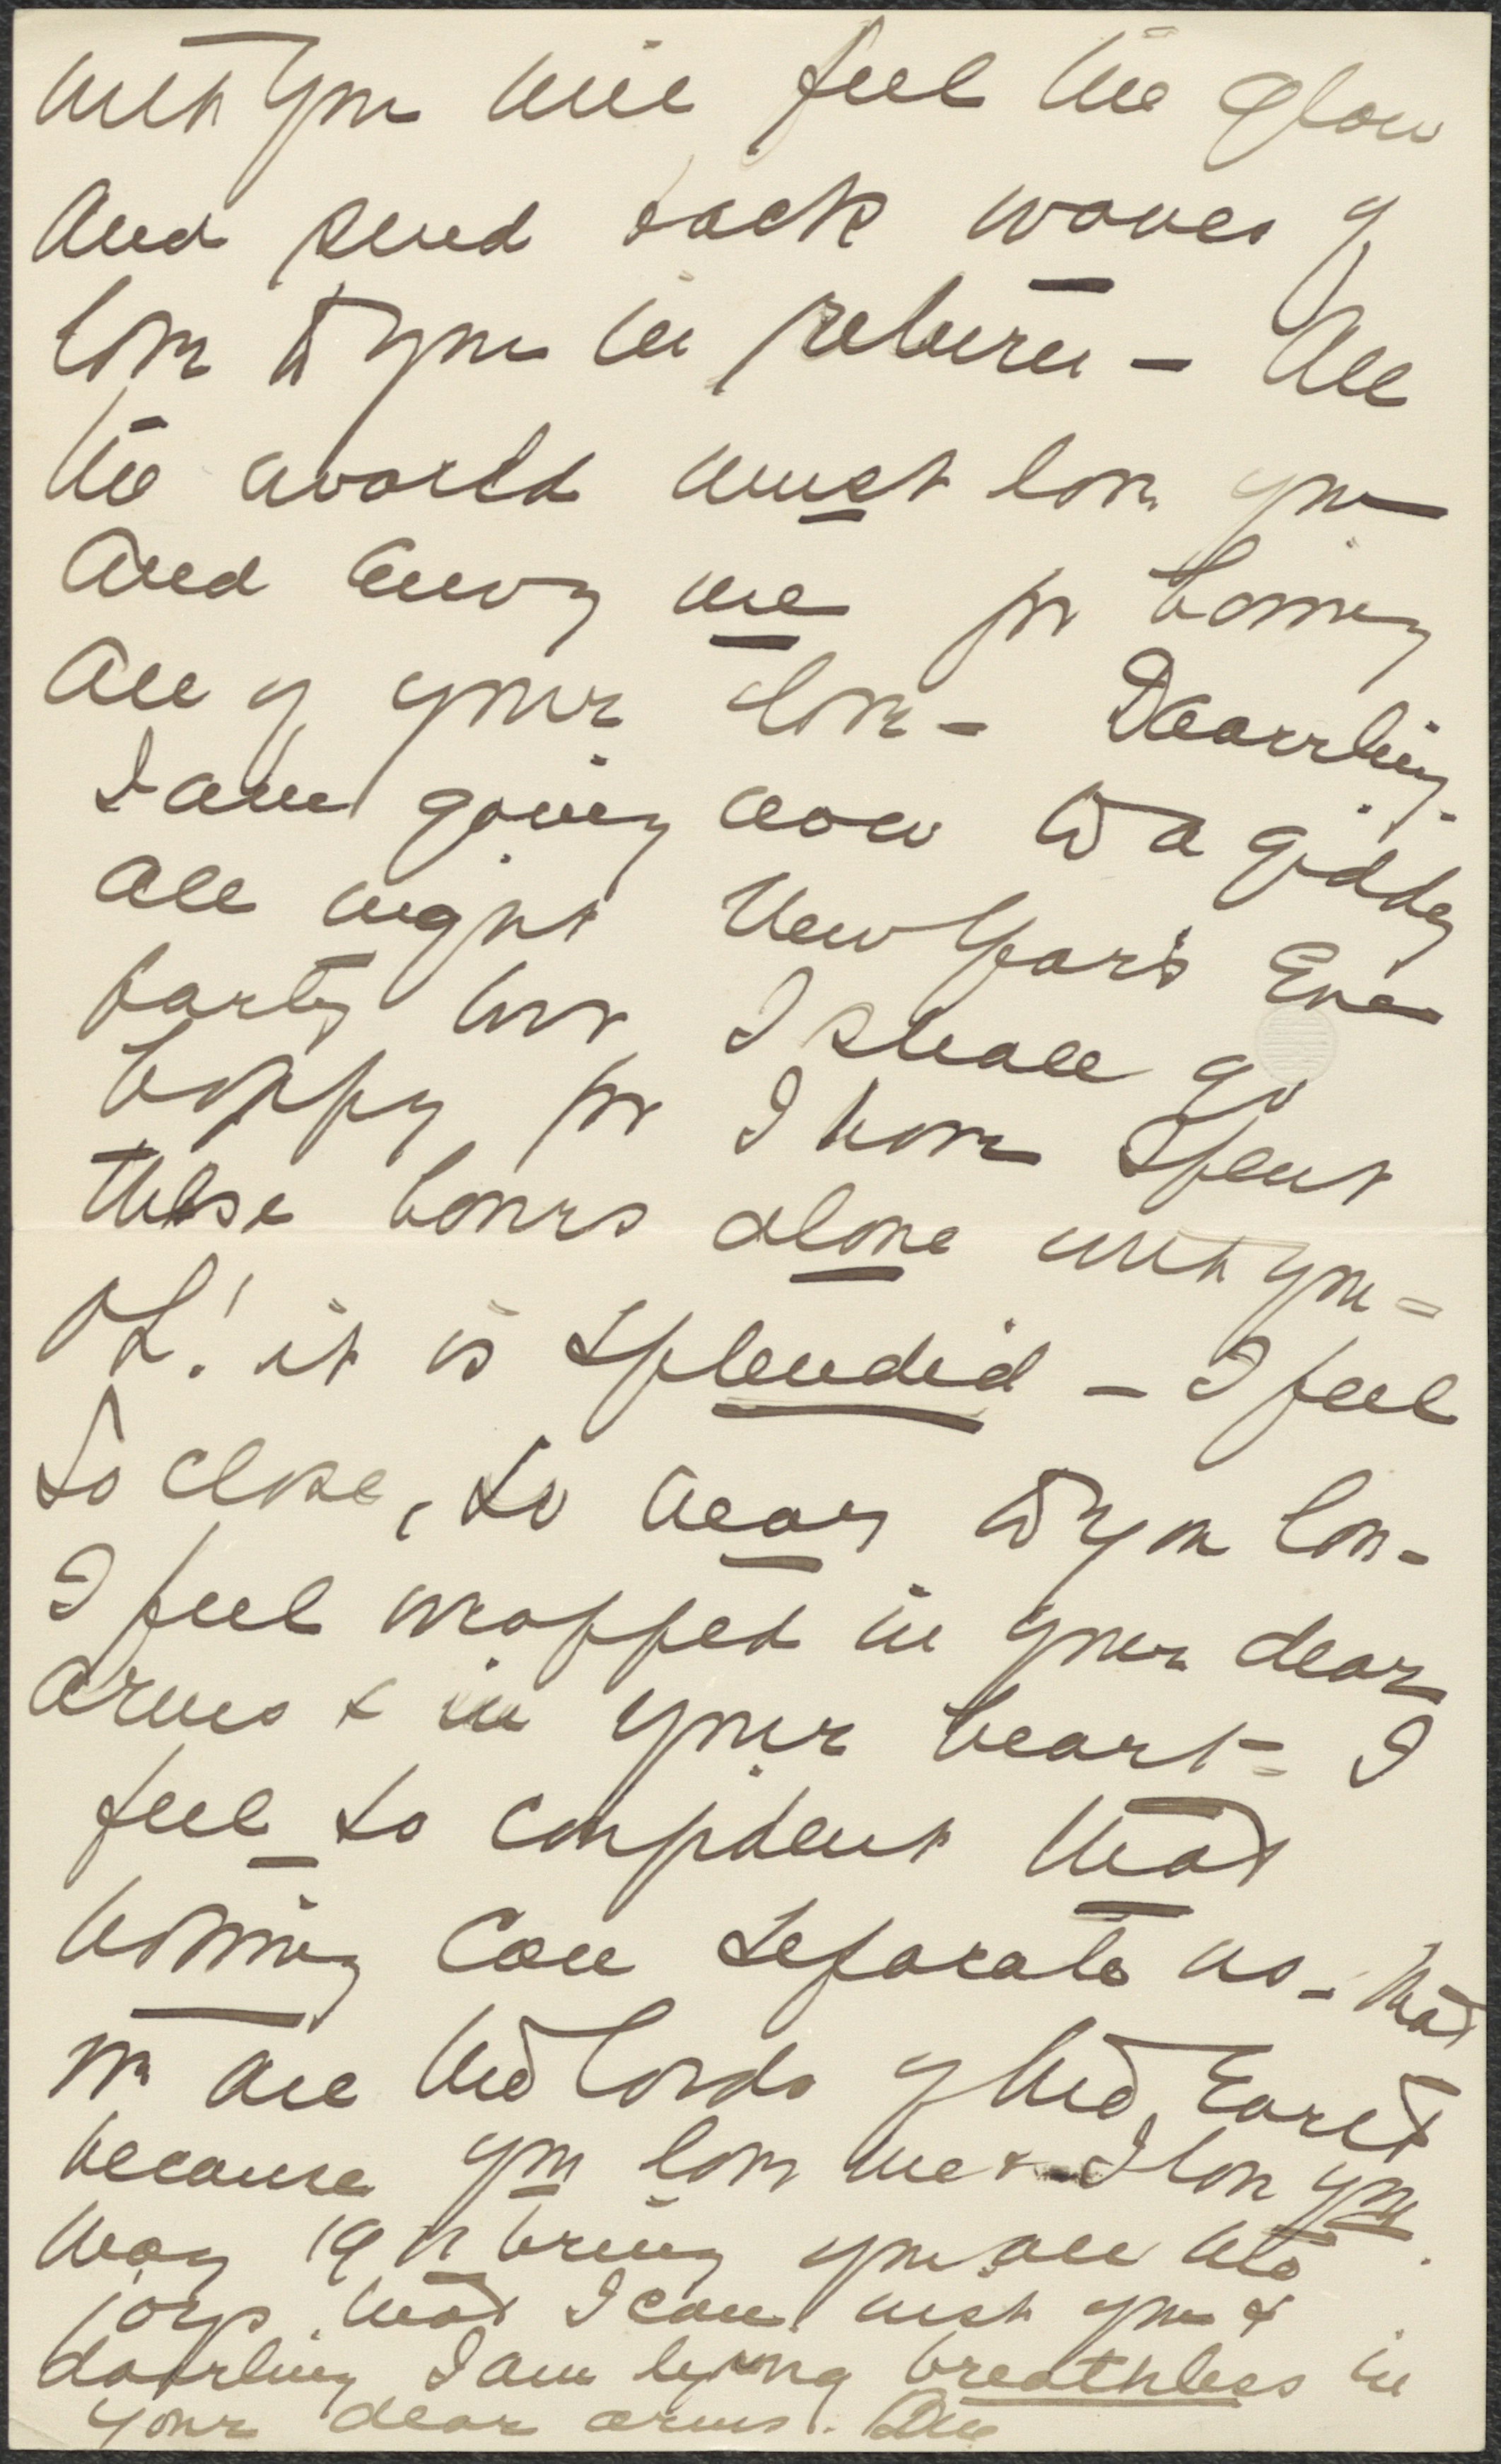with you will feel the glow and send back waves of love to you in return – All the world must love you and envy me for having all of your love – Daarrling – I am going now to a giddy all night New Year’s Eve party but I shall go happy, for I have spent these hours alone with you – oh! it is splendid – I feel so close, so near to you love – I feel wrapped in your dear arms & in your heart – I feel so confident that nothing can separate us – that we are the lords of the Earth because you love me & I love you. May 1911 bring you all the joys that I can wish you & darrling I am lying breathless in your dear arms. Belle